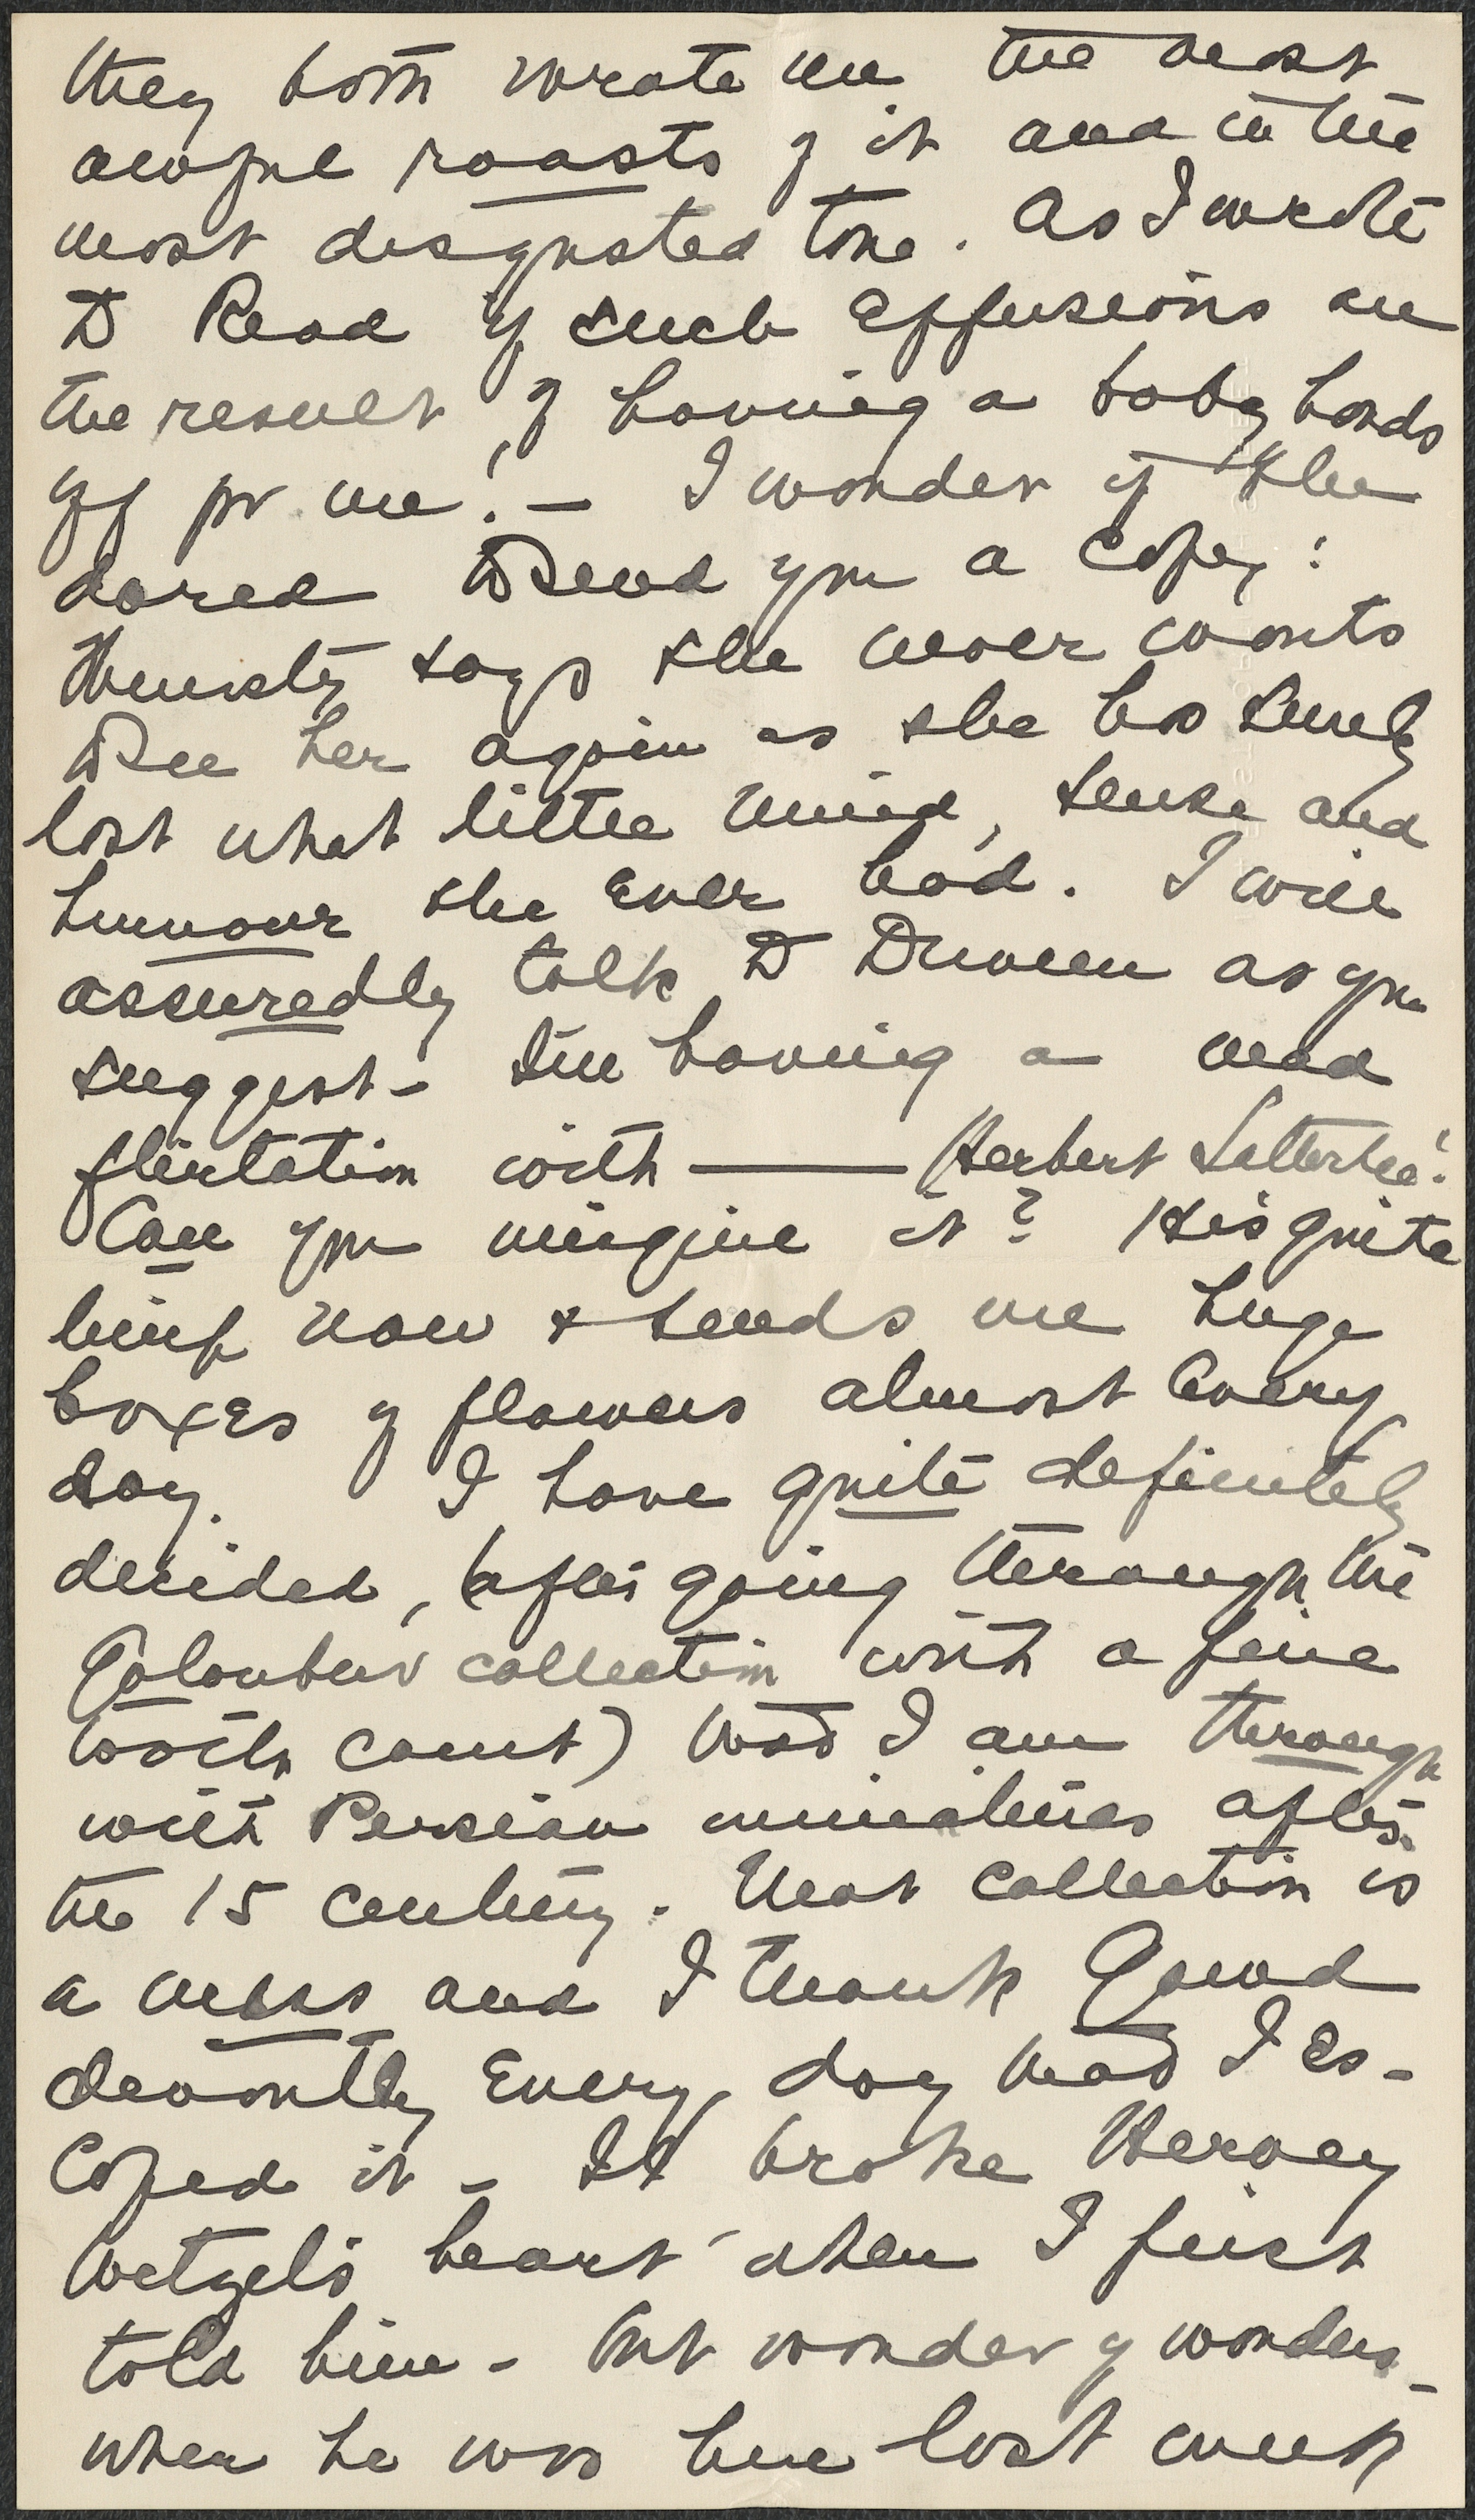they both wrote me the most awful roasts of it and in the most disgusted tone, As I wrote to Read if such effusions are the result of having a baby hands off for me! – I wonder if she dared to send you a copy! Thursty says she never wants to see her again as she has surely lost what little mind, sense and humour she ever had. I will assuredly talk to Duveen as you suggest – I’m having a mad flirtation with – Herbert Satterlee! can you imagine it? He’s quite brief now and sends me huge boxes of flowers almost every day. I have quite definitely decided, (after going through the Goloubev collection with a fine tooth comb) that I am through with Persian miniatures after the 15 century. That collection is a mess and I thank Gawd devoutly every day that I escaped it – It broke Harvey Wetzel’s heart when I first told him – but wonder of wonders when he was here last week